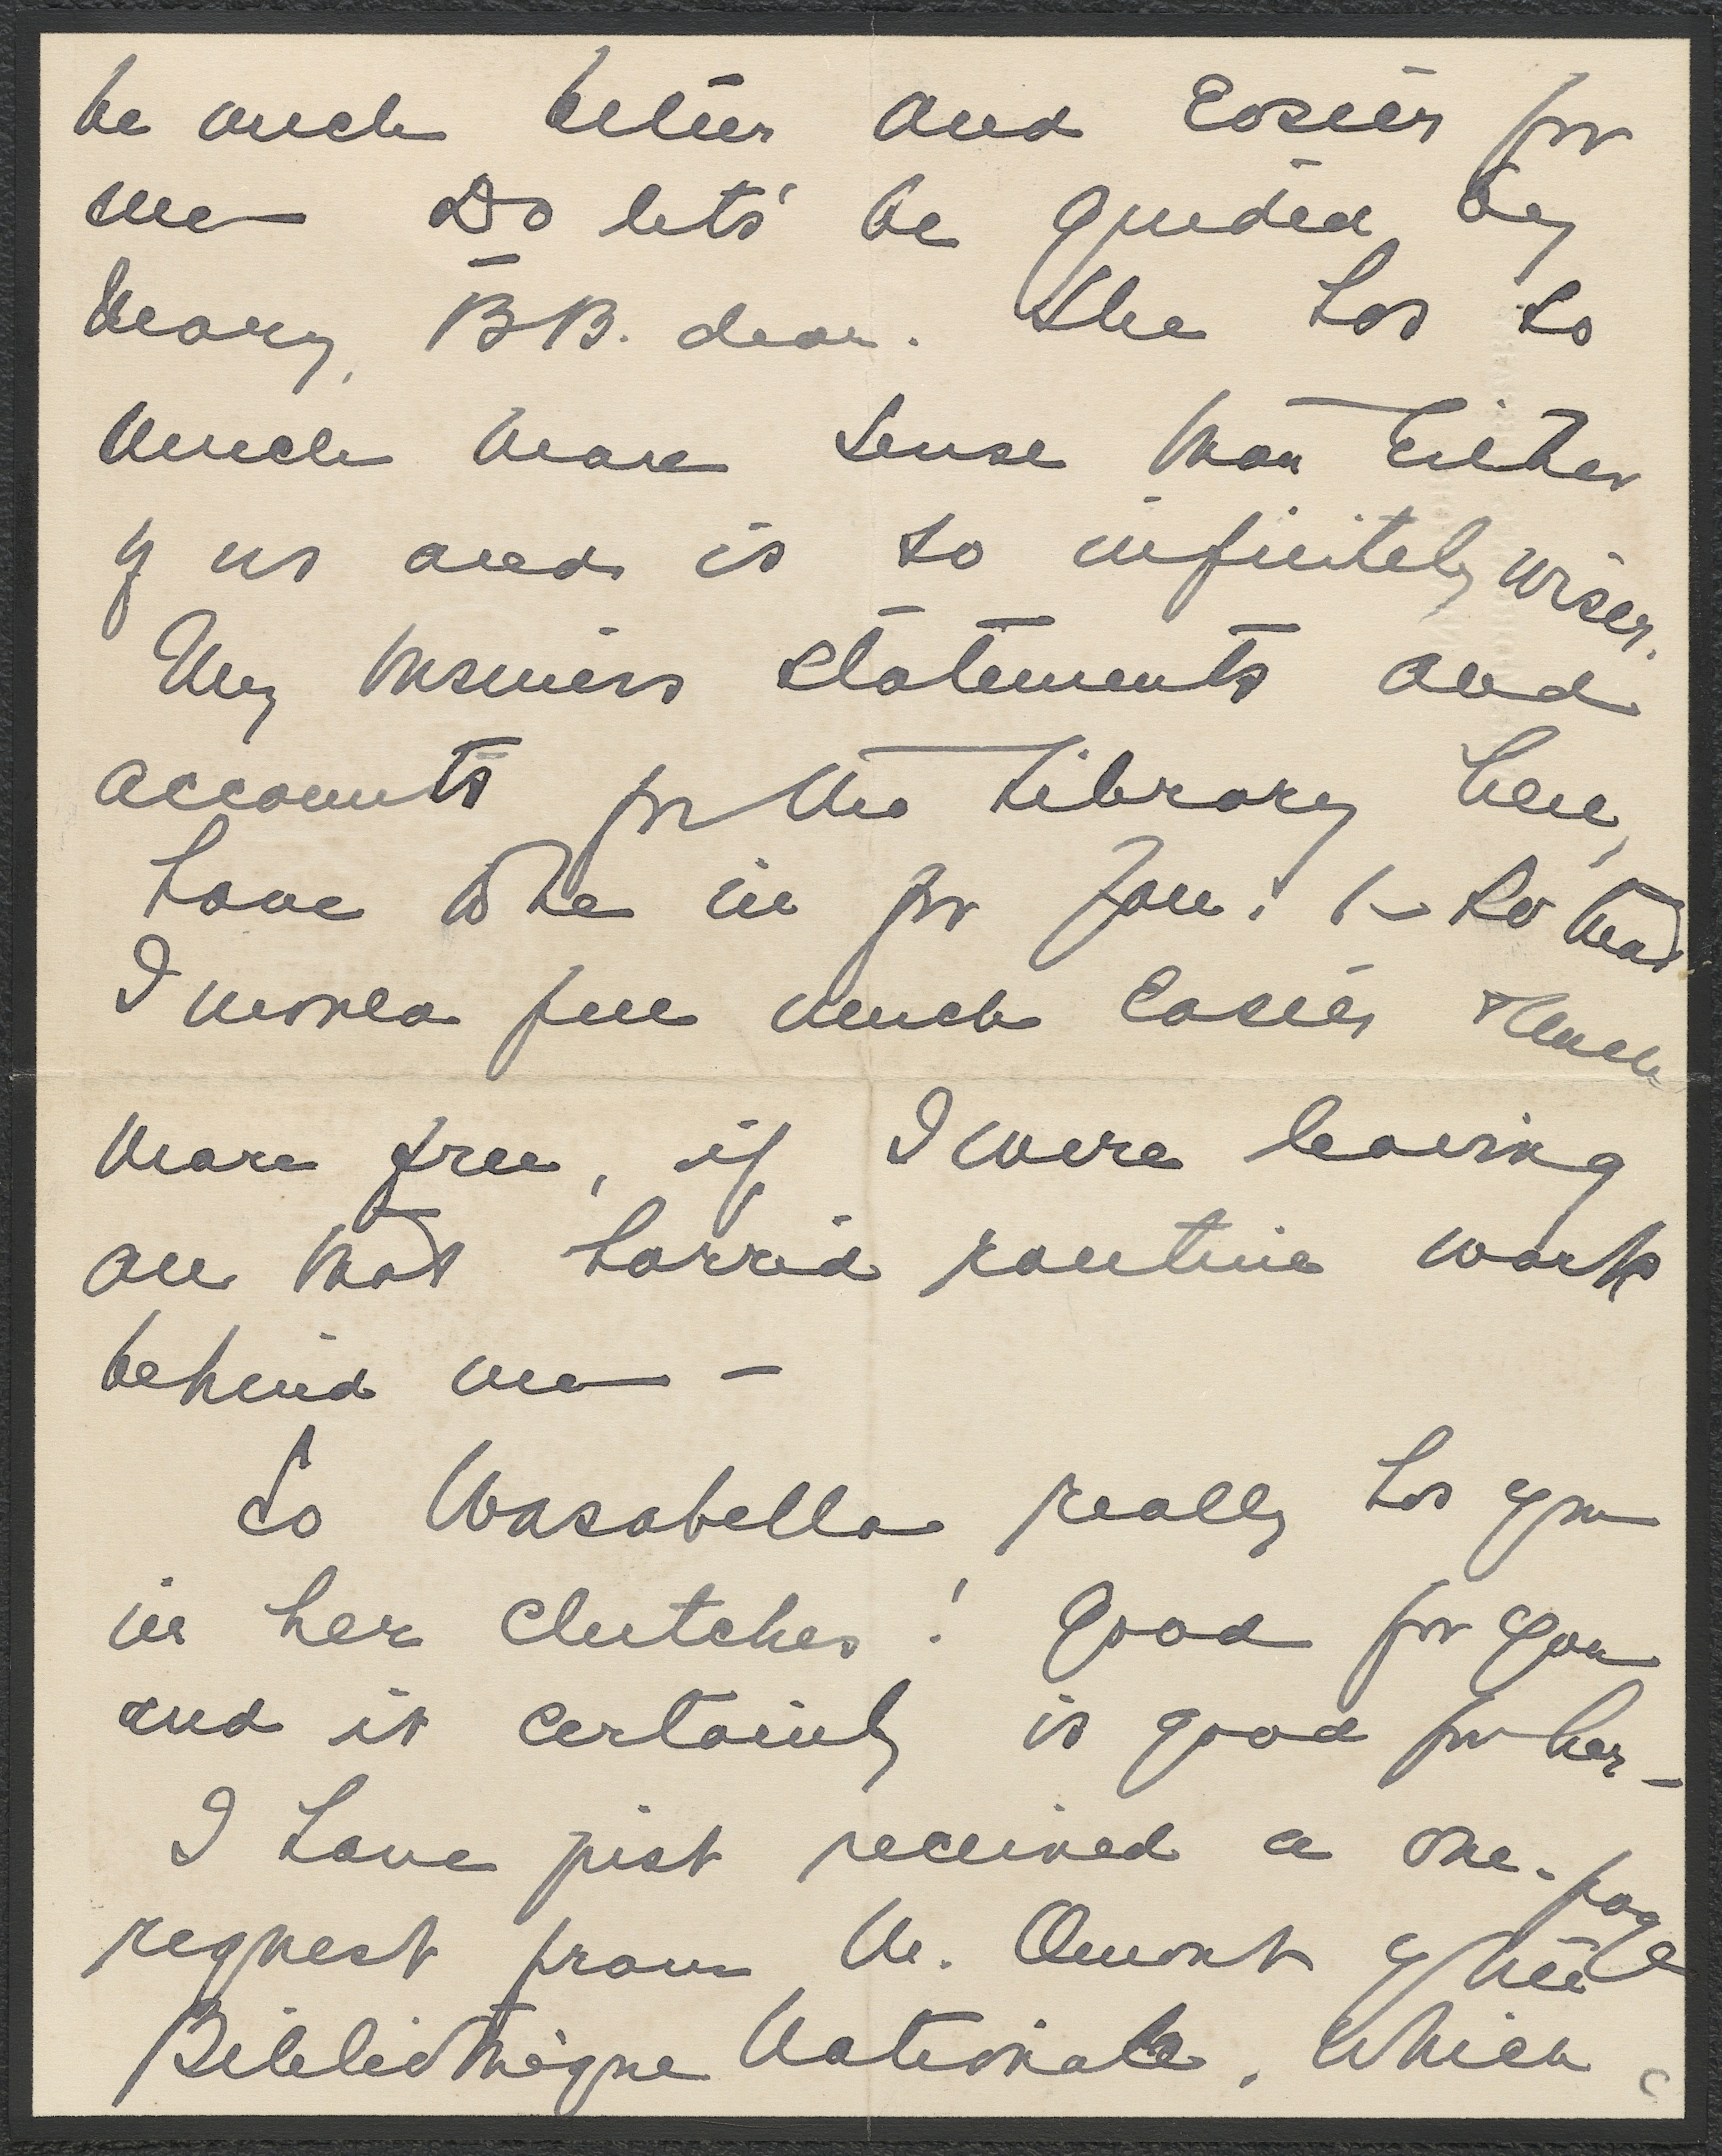be much better and easier for me – Do let’s be guided by Mary, B B. dear. She has so much more sense than either of us and is so infinitely wiser.
My business statements and accounts for the Library here, have to be in for Jan. 1 – so that I would feel much easier & much more free, if I were leaving all that horrid routine work behind me – So Wasabella really has you in her clutches! Good for you and it certainly is good for her –
I have just received a one-page request from M. Omont of the Bibliothèque Nationale, which